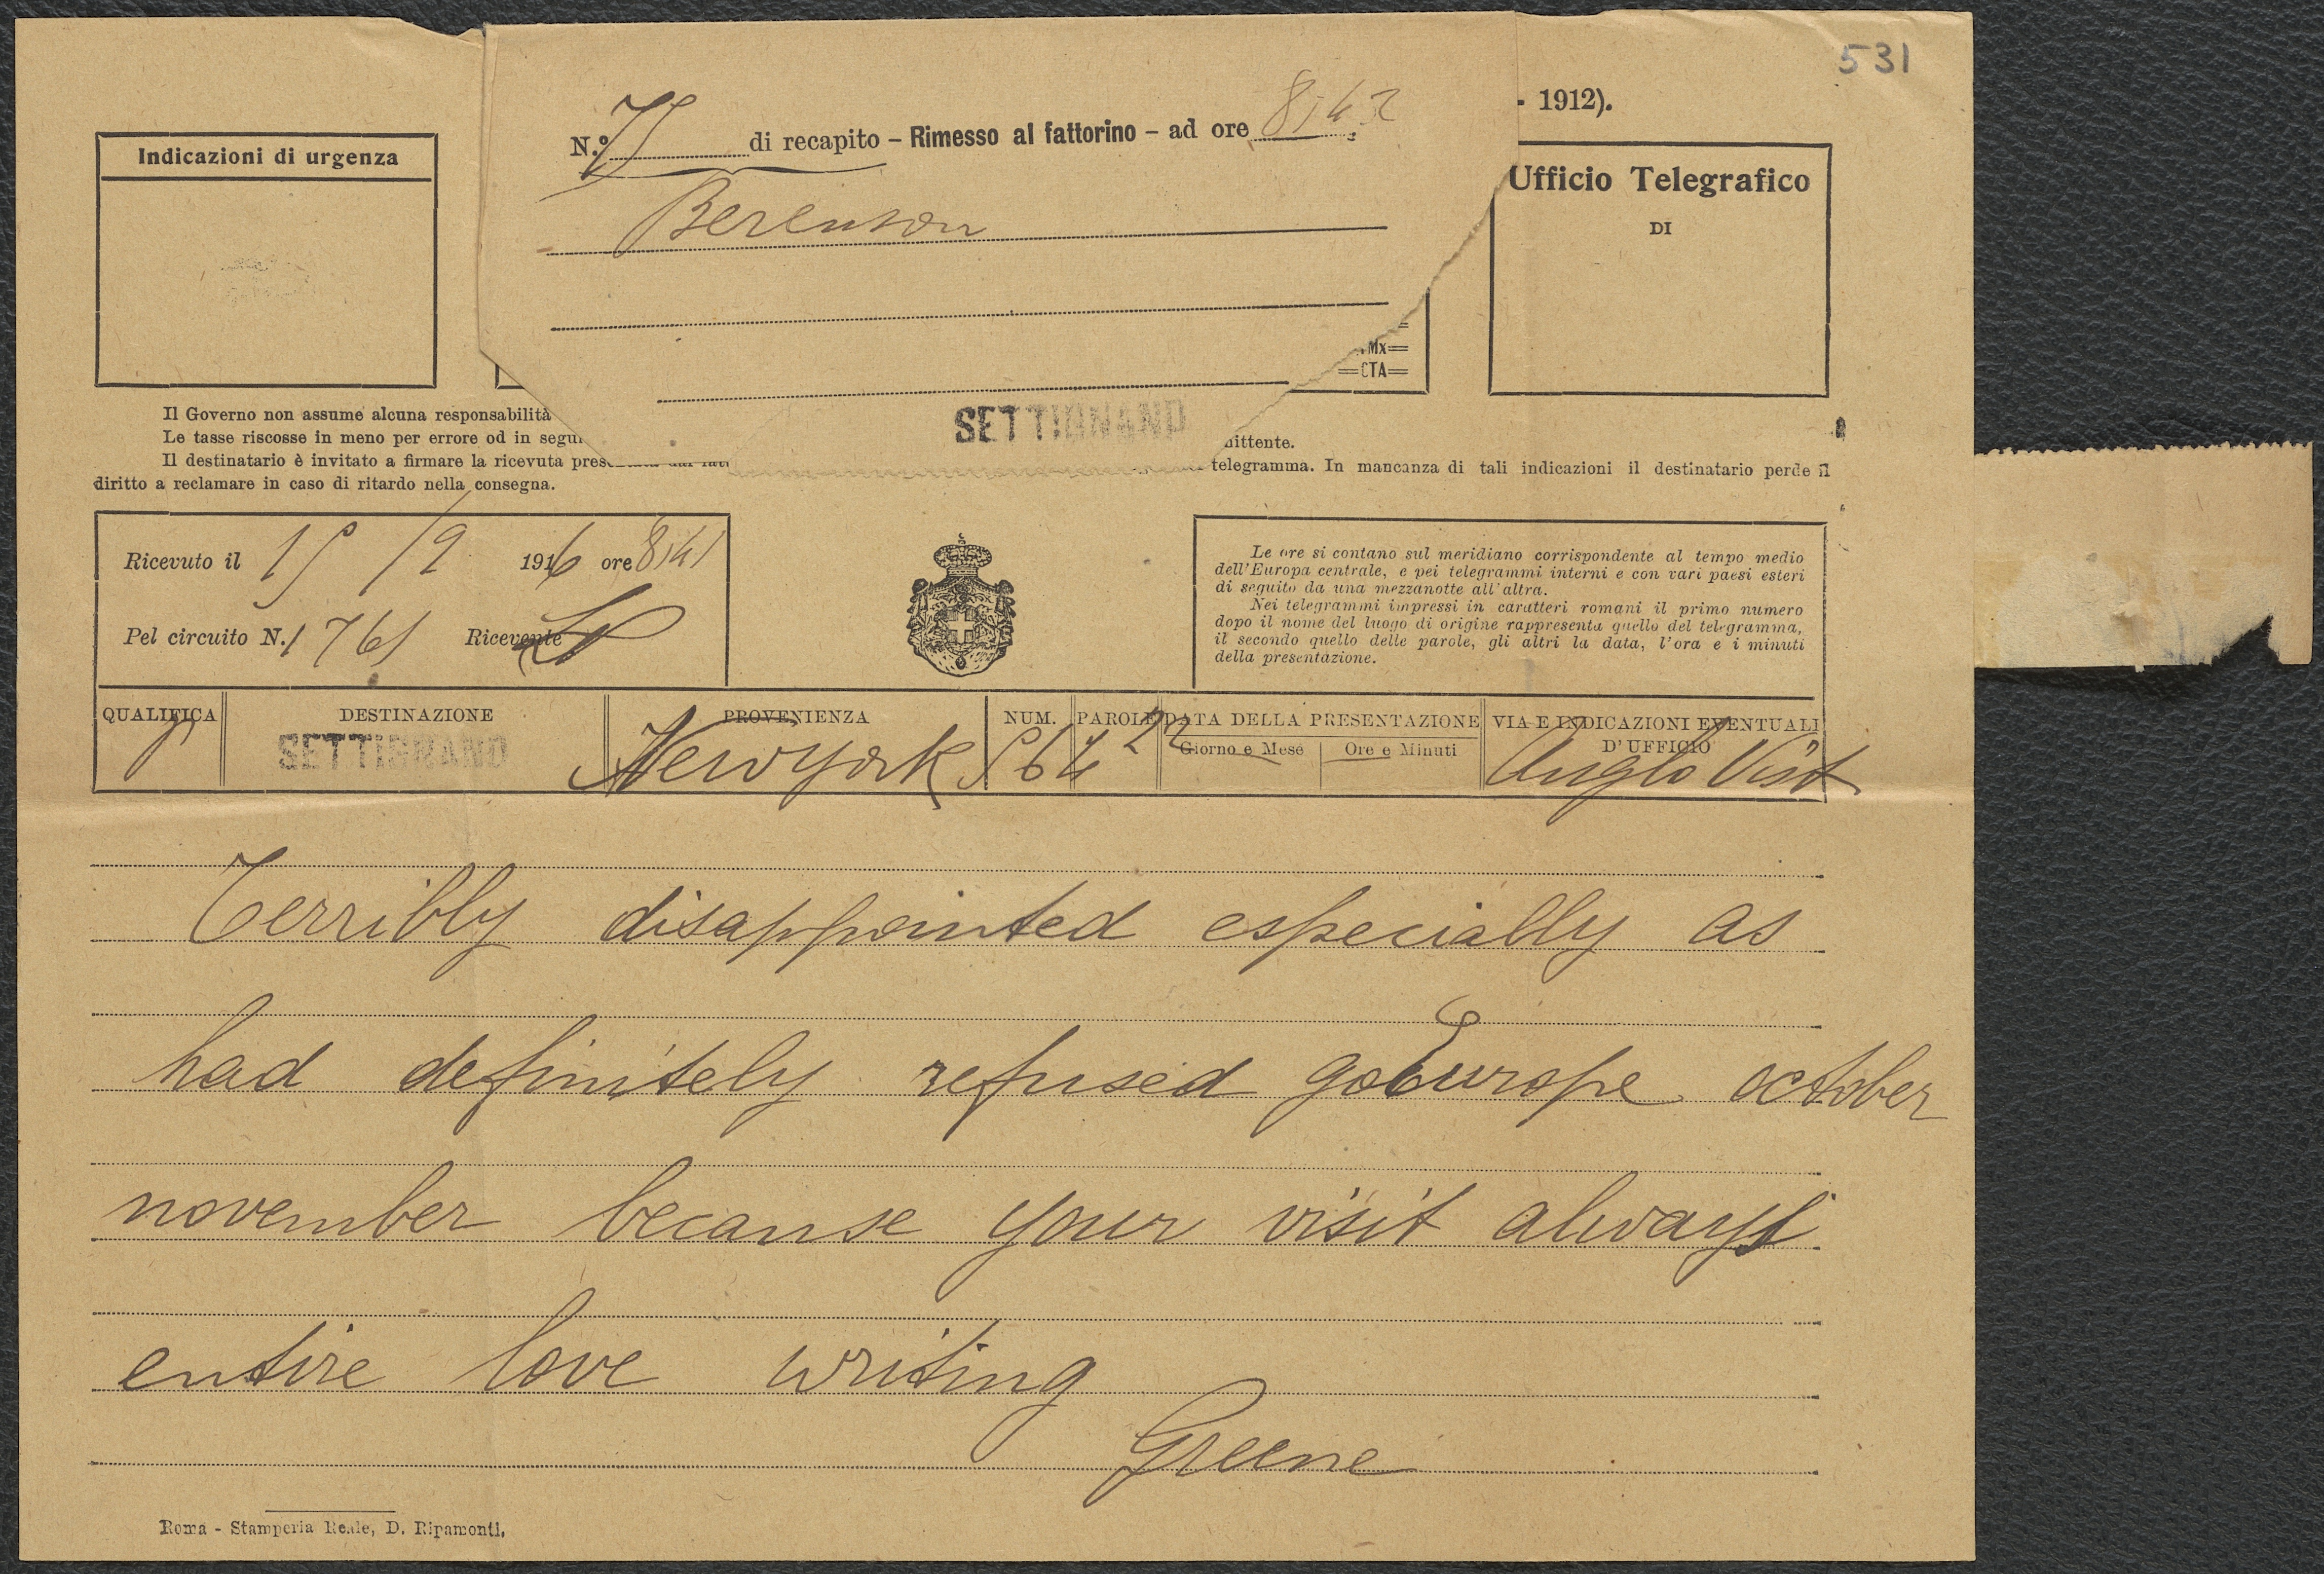Terribly disappointed especially as
had definitely refused go Europe october
november because your visit always
entire love writing
Greene